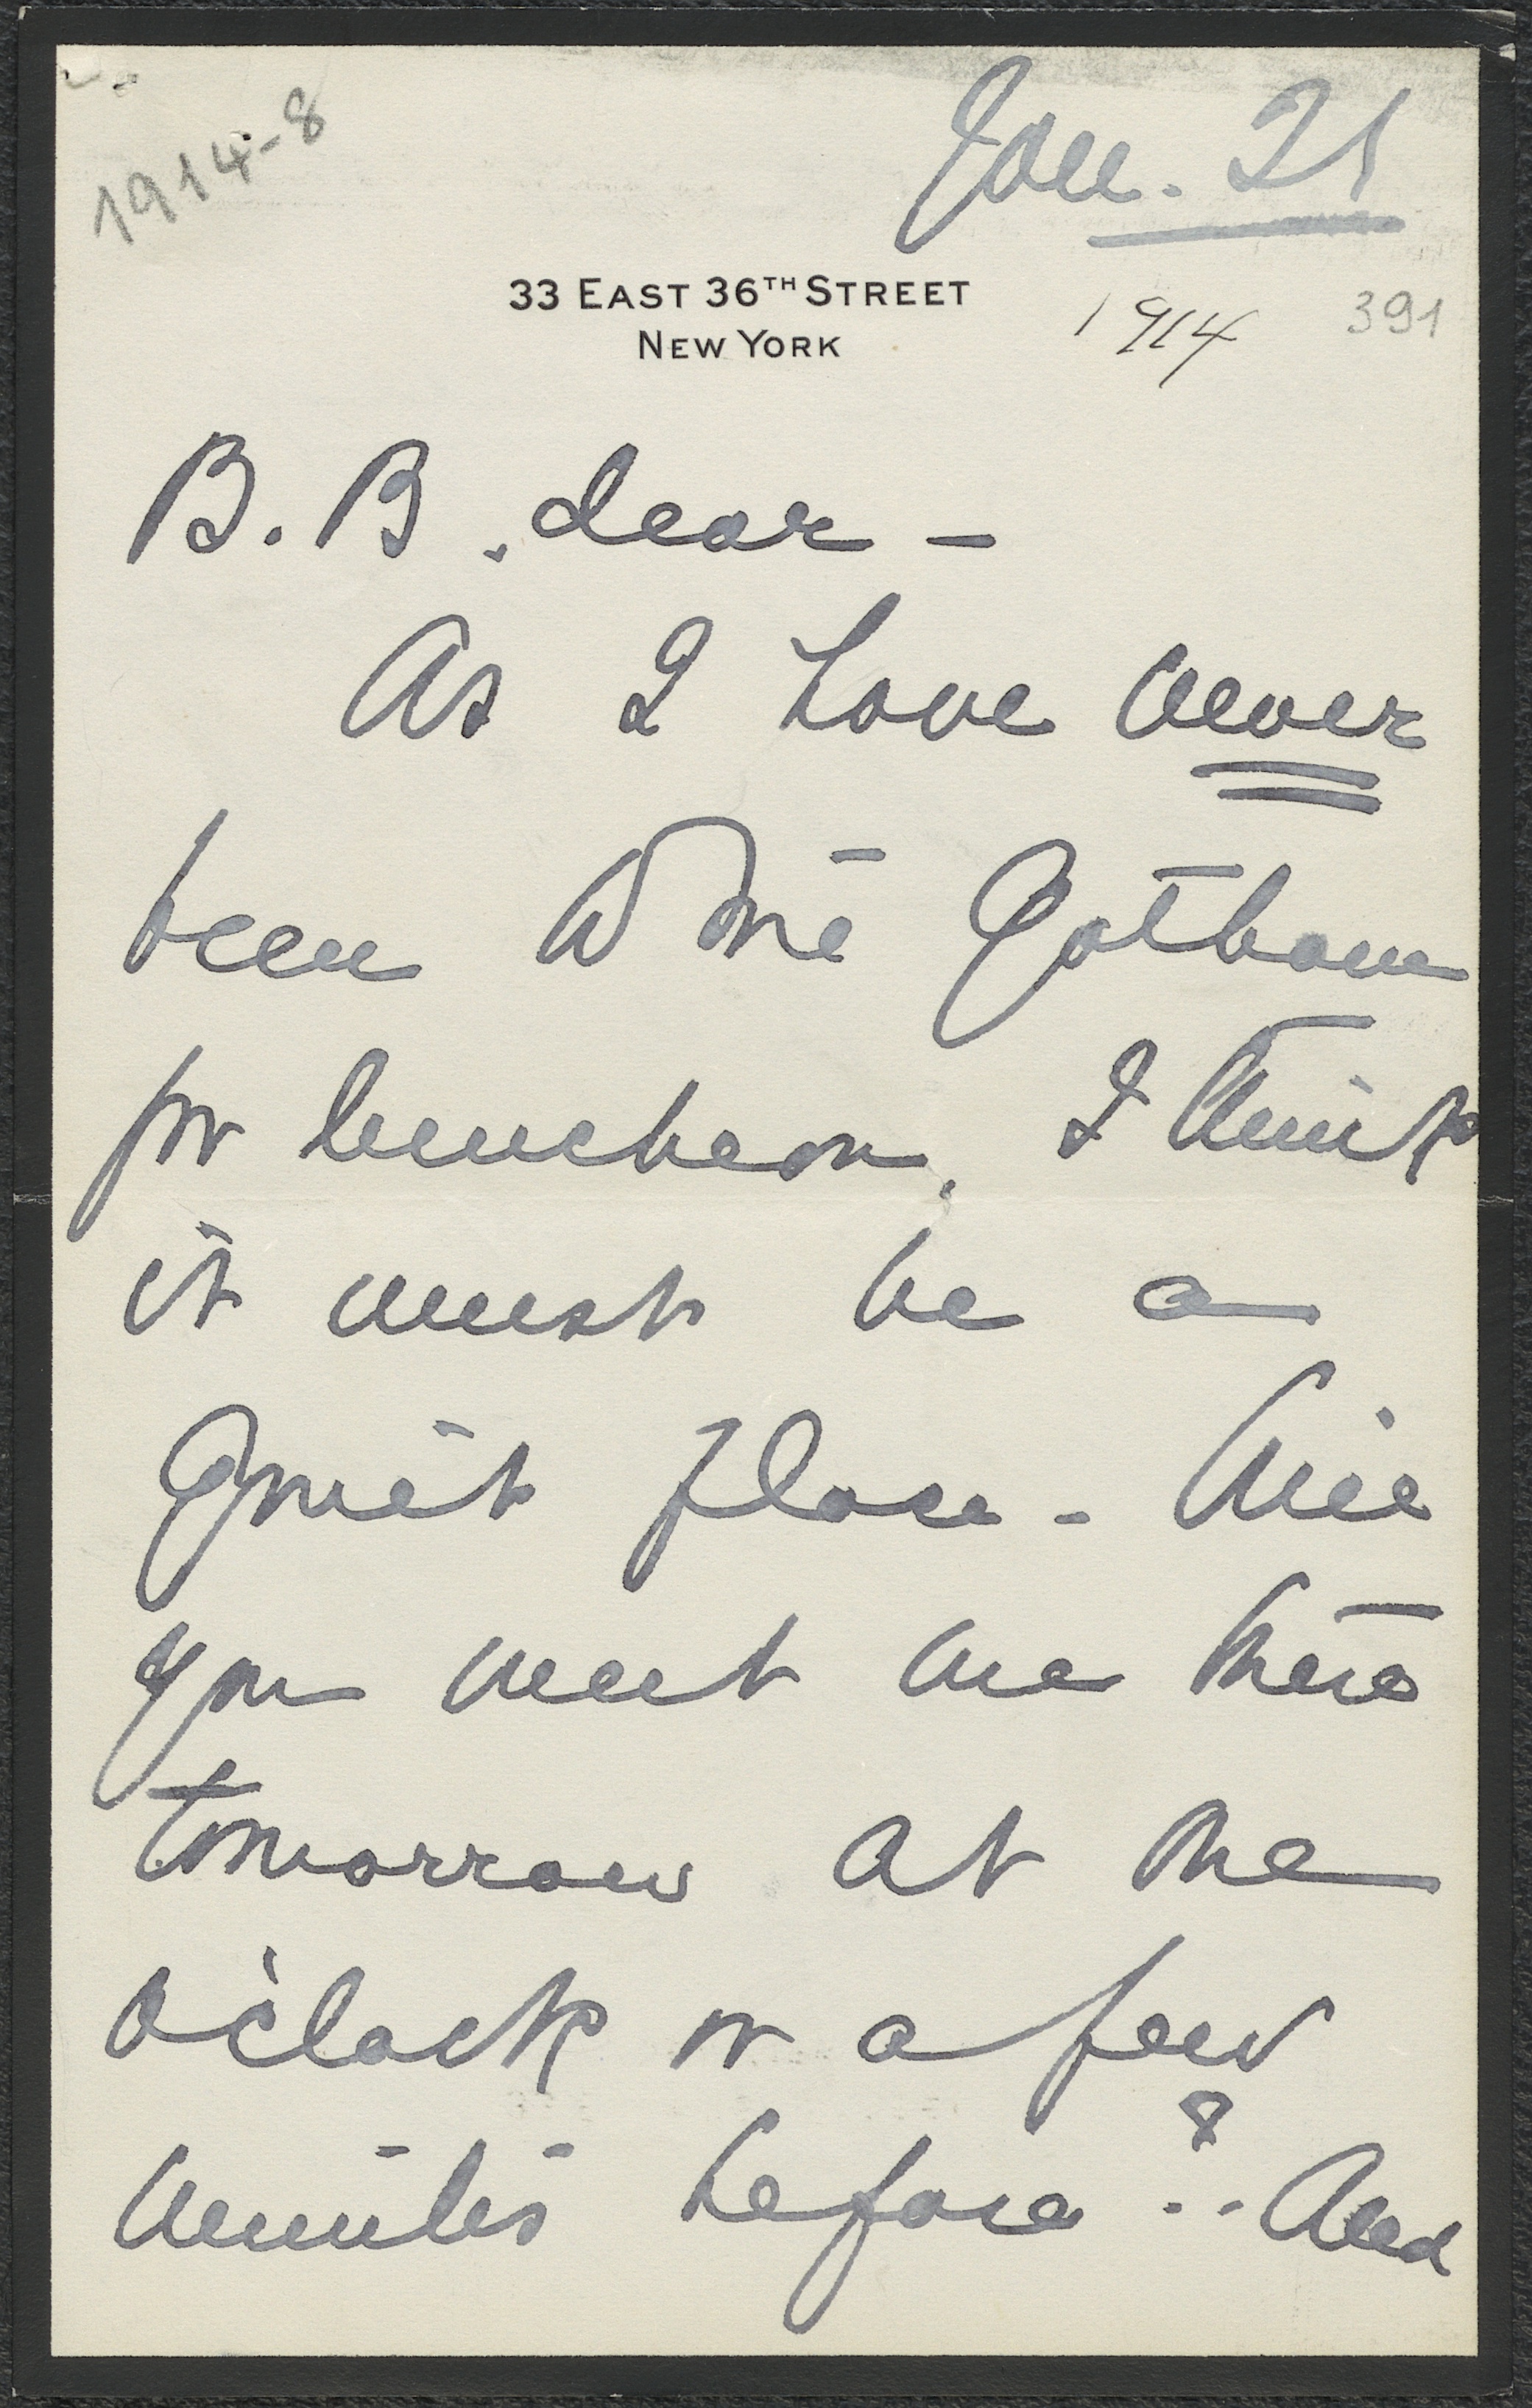Jan. 21
B.B. dear –
As I have [double underlined: never] been to the Gotham for luncheon, I think it must be a quiet place – will you meet me there tomorrow at one o’clock or a few minutes before? And